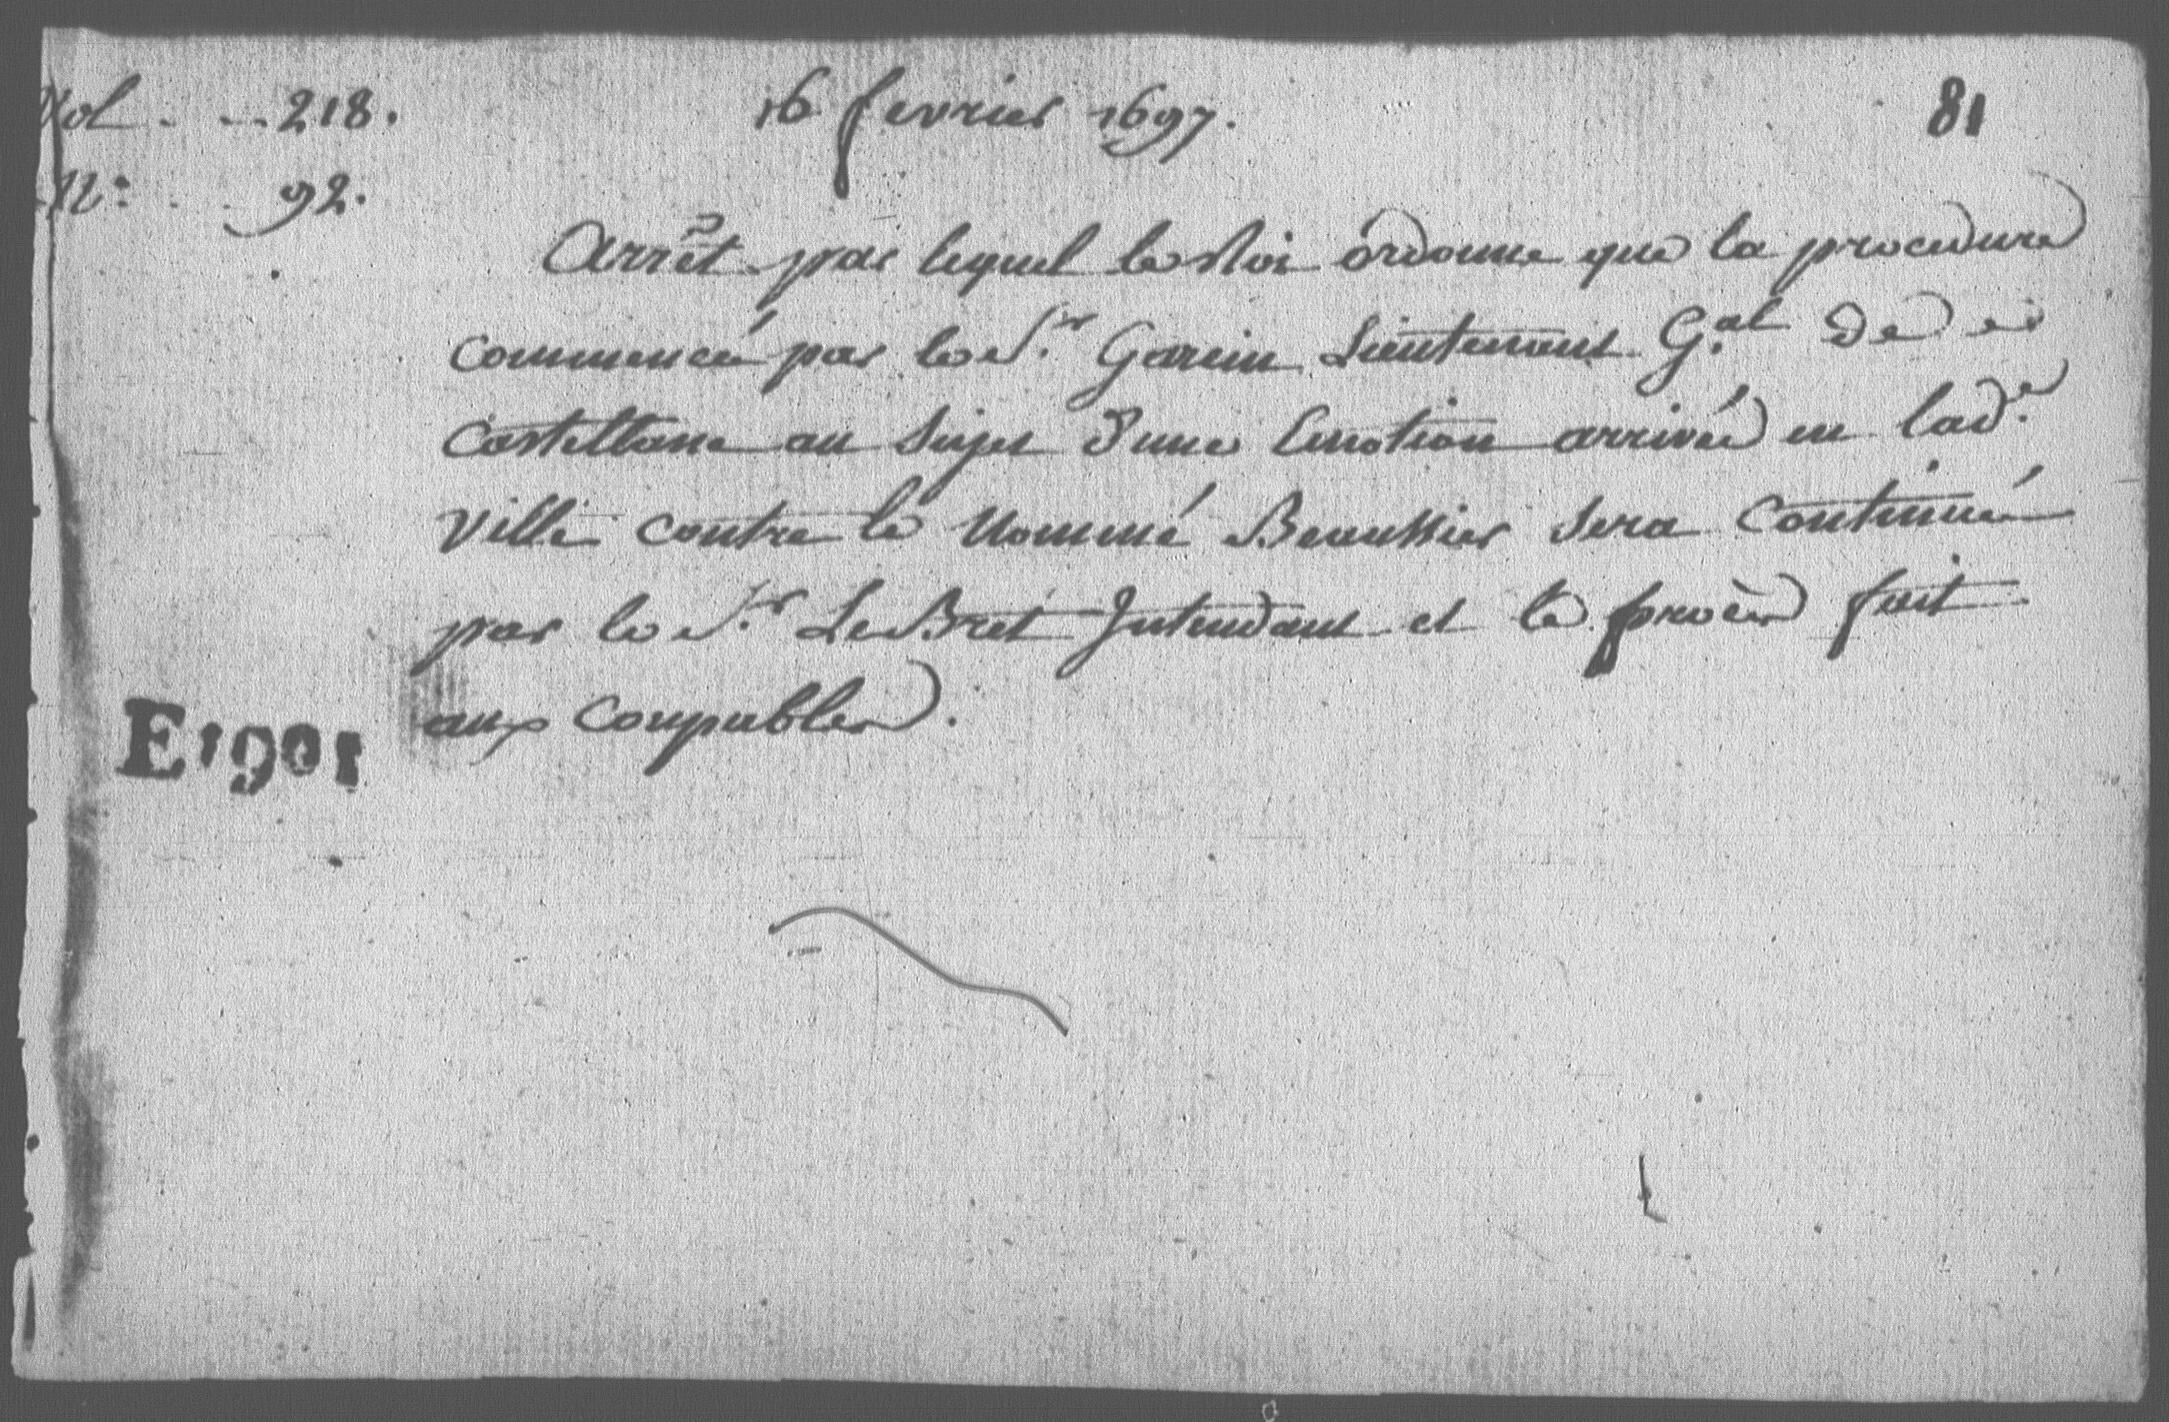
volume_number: n°92
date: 16 février 1697
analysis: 81
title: Arrêt par lequel le Roi ordonne que la procedure commencée par le S.r Garcin Lieutenant g.al de Castellane au sujet dune Emotion arrivée en lad.e ville contre le Nommé Beaussier sera continuée par le S.r Le Bret jntendant et le procès fait aux coupables.
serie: E
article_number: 1901
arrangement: vol. 218
